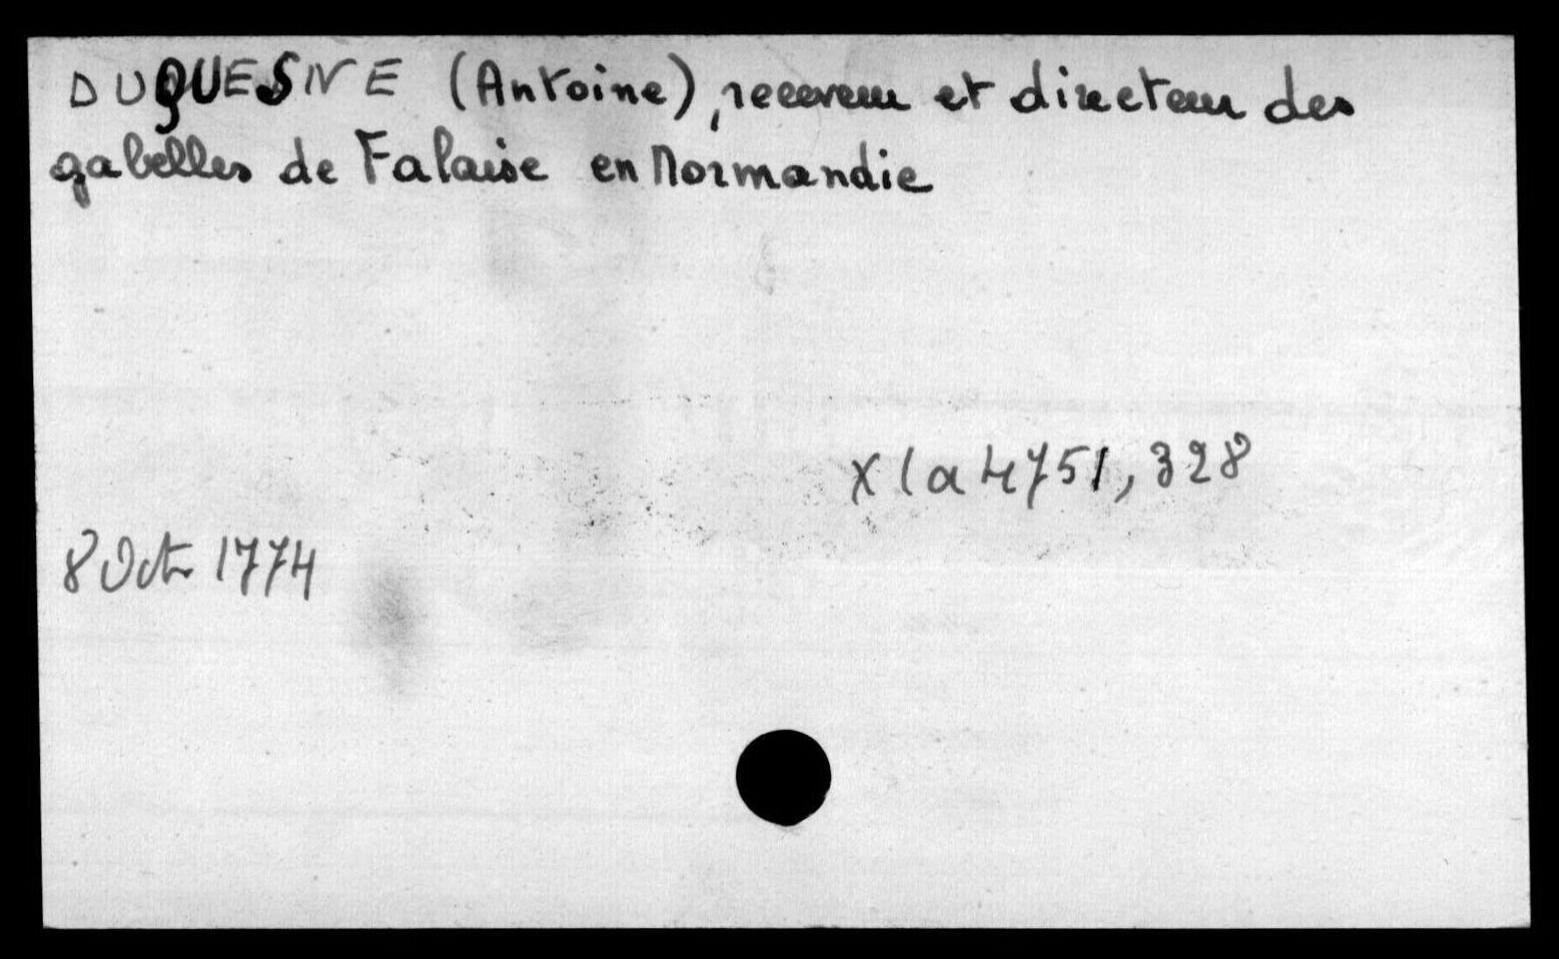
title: DUQUESNE (Antoine), receveur et directeur des gabelles de Falaise en Normandie
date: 8 octobre 1774
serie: X1a
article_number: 4751
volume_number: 328
